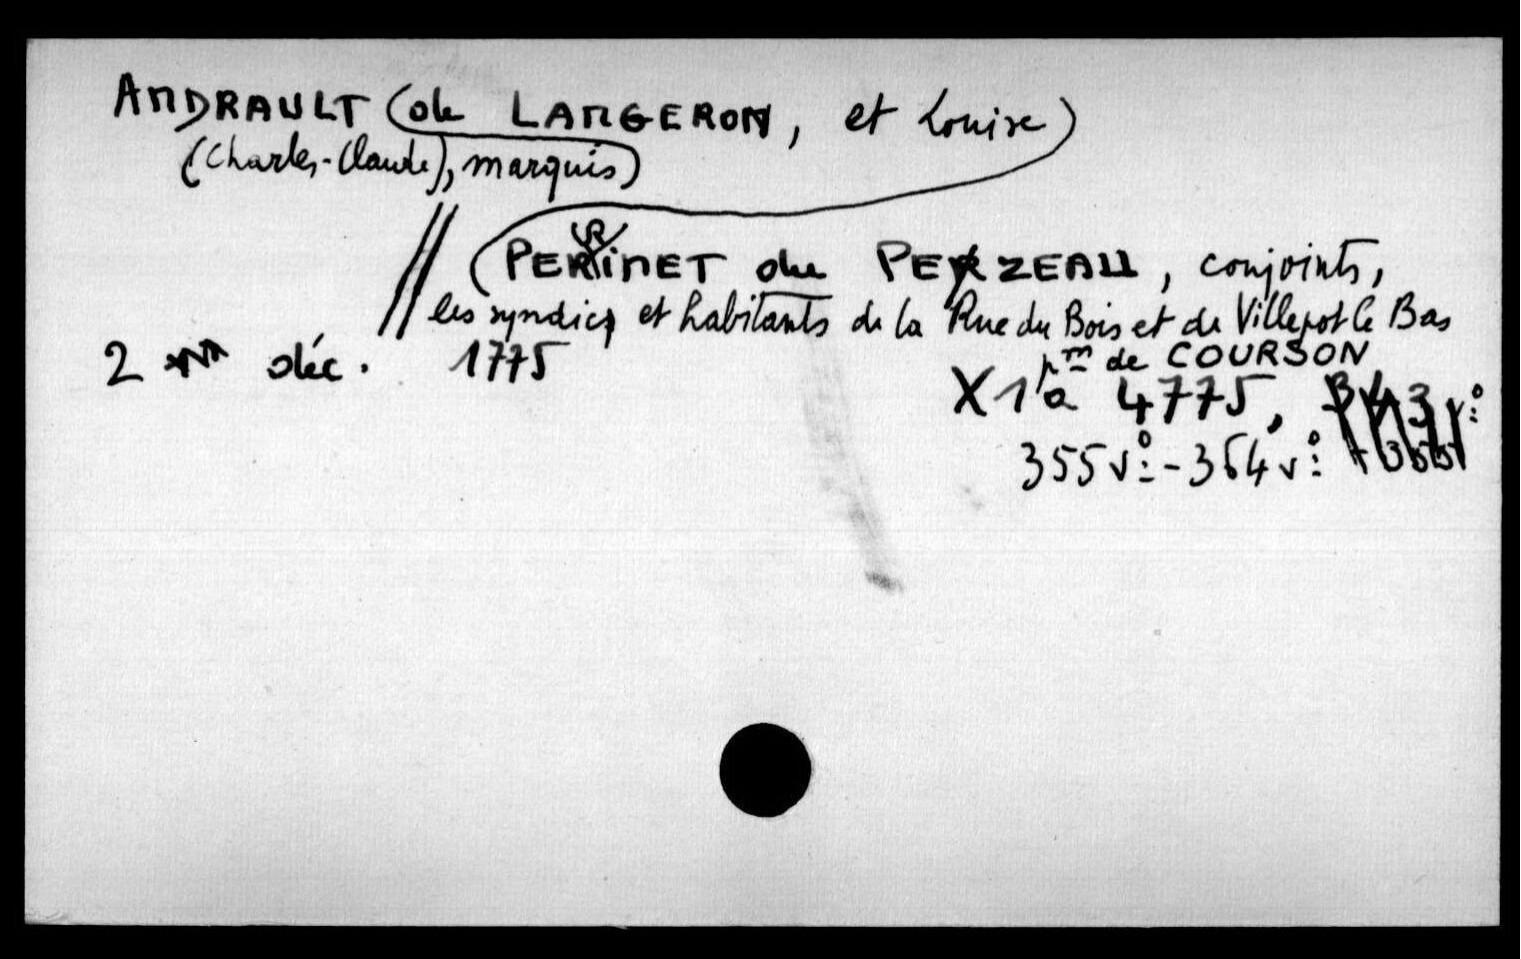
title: ANDRAULT (Charles-Claude), marquis de LANGERON, et Louise PERRINET du PEZEAU, conjoints,
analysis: Contre les syndics et habitants de la Rue du Bois et de Villepot le bas paroisse de COURSON
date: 2 décembre 1775
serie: X1A
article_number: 4775
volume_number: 355v. 364V
